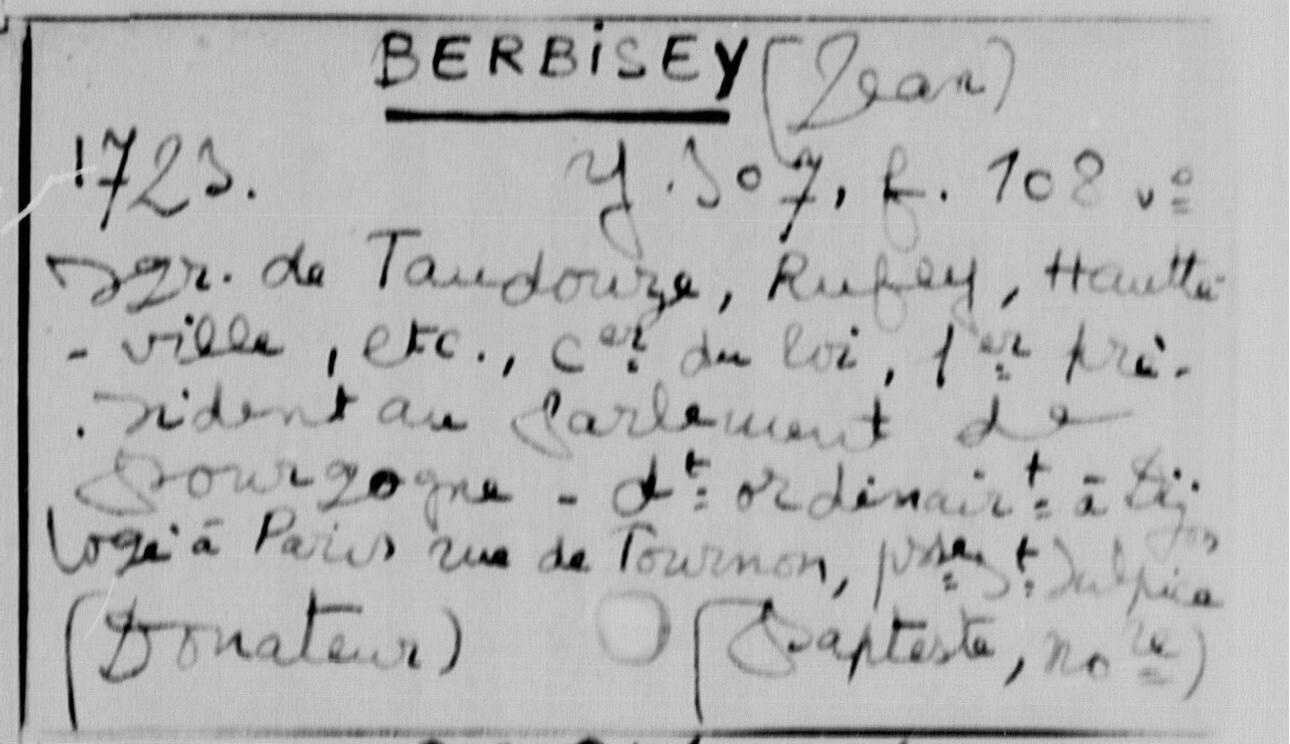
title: BERBISEY (Jean)
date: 1723
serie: Y
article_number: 307
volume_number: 108v
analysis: Seigneur de Taudouze, Rufey, Hautteville, etc;;, conseiller du roi, premier président au Parlement de Bourgogne - demeurant ordinairement à Dijon, logé à Paris rue de Tournon, paroisse Saint-Sulpice. (Donateur) (Bapteste, notaire)
